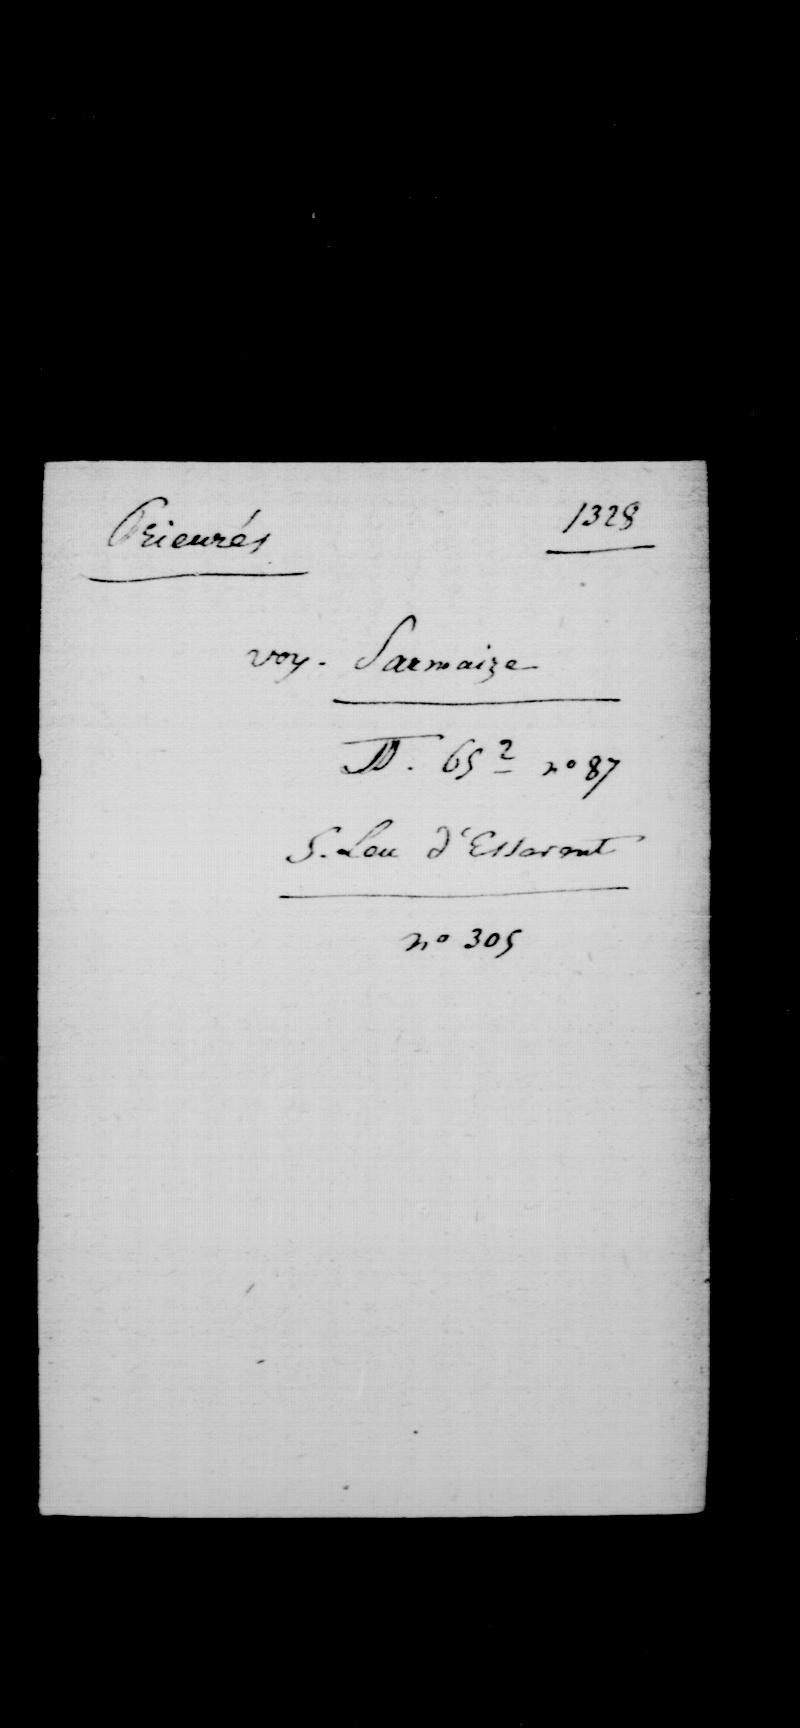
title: Prieurés
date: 1328
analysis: Voir Sarmaize Voir Saint Leu d'Esserent
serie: JJ
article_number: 65/2
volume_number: n° 87, 305
